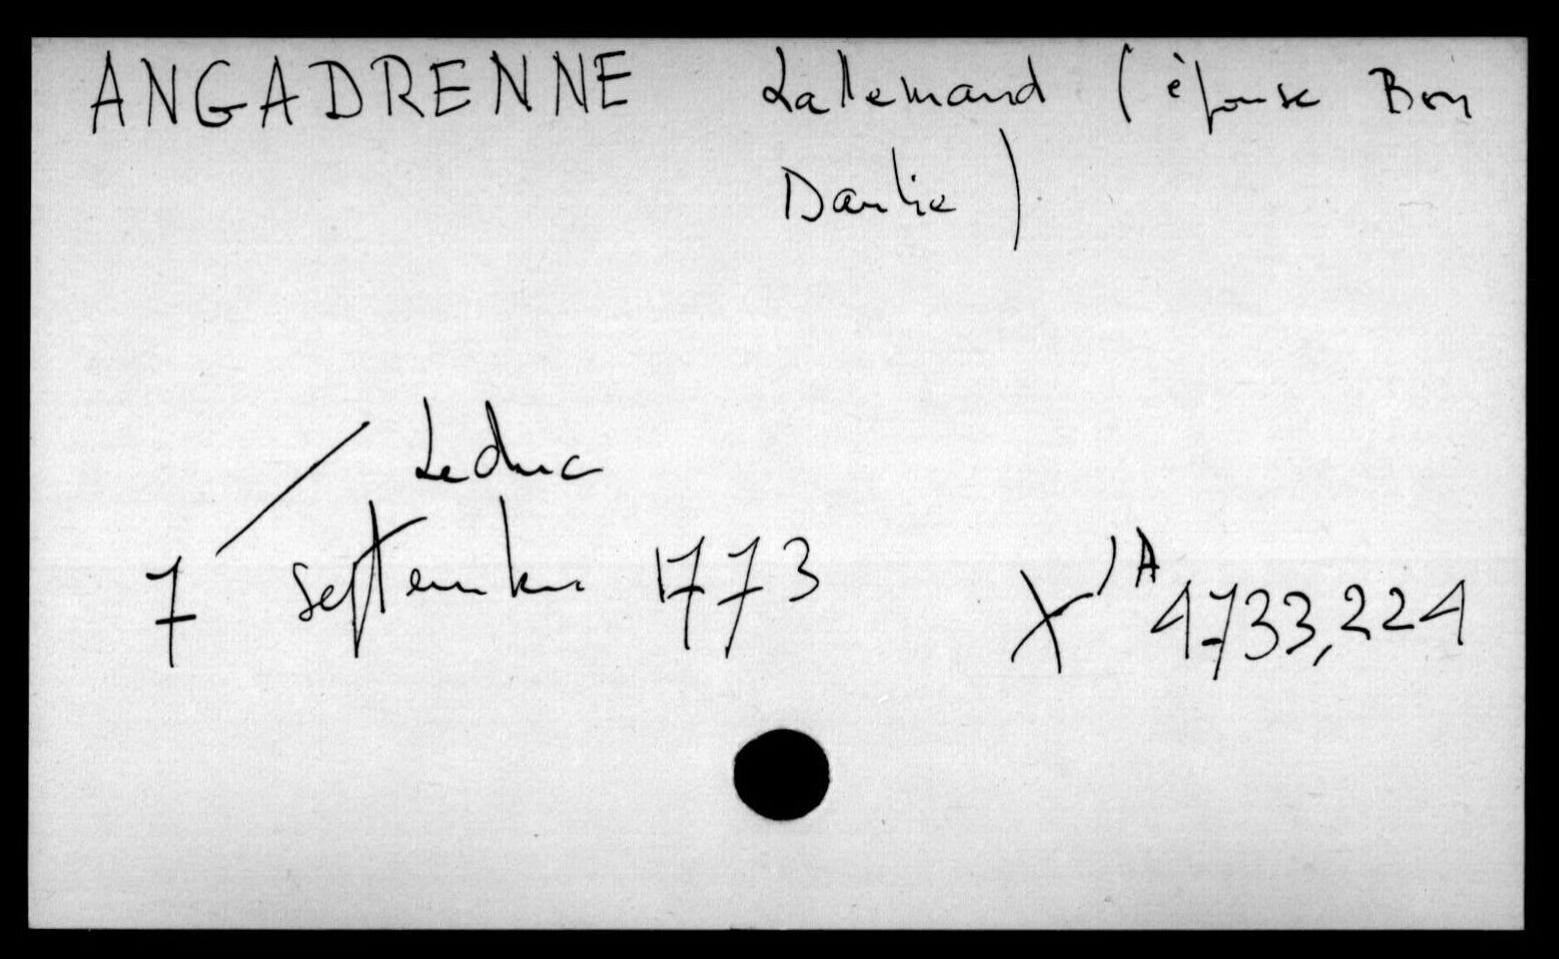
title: ANGADRENNE Lalemand (épouse Bon Darlie)
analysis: Contre Leduc
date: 7 septembre 1773
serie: X1A
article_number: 4733
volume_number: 224
